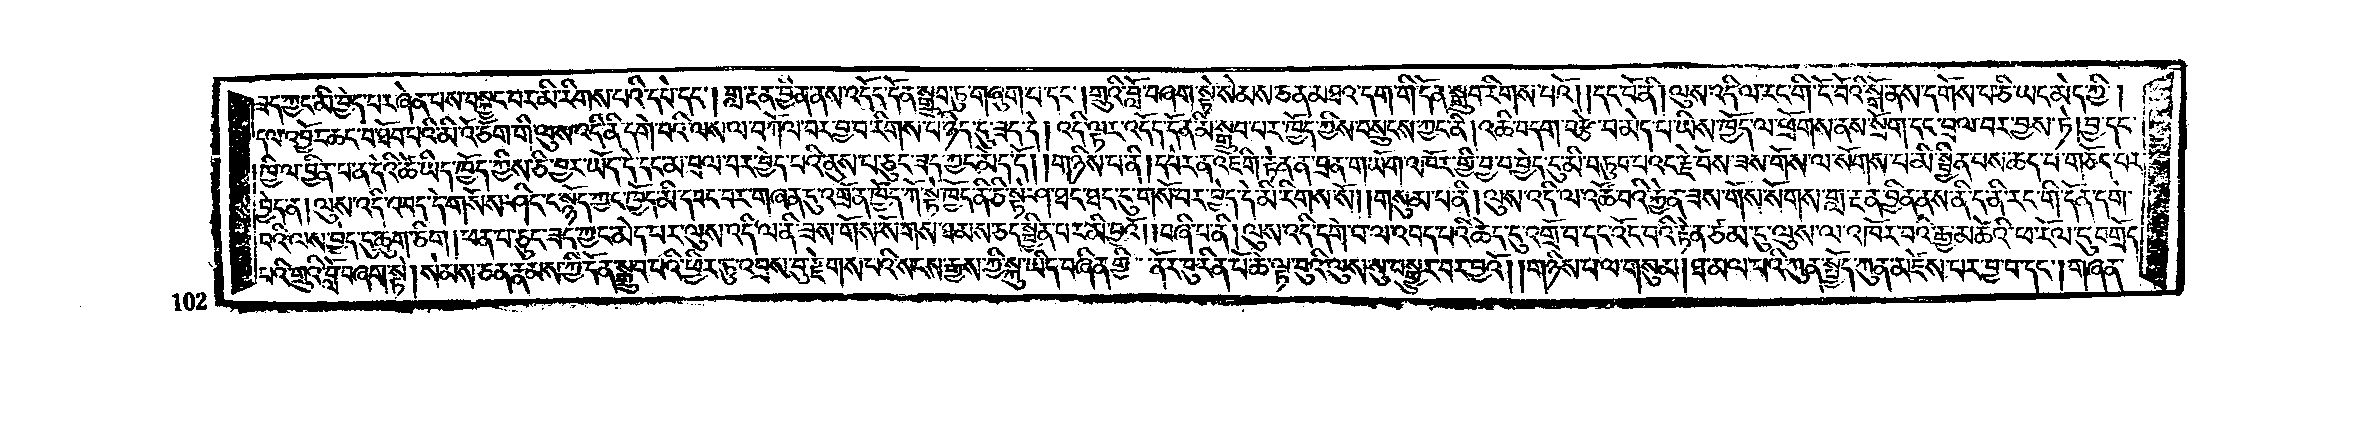ཟད་ཀྱང་མི་བྱེད་པར་ཞེན་པས་བསྐྱང་བར་མི་རིགས་པའི་དཔེ་དང་། གླ་རྔན་བྱིན་ནས་འདོད་དོན་སྒྲུབ་ཏུ་གཞུག་པ་དང་། གྲུའི་བློ་བཞག་སྟེ་སེམས་ཅན་མཐའ་དག་གི་དོན་སྒྲུབ་རིགས་པའོ། །དང་པོ་ནི། ལུས་འདི་ལ་རང་གི་ངོ་བོའི་སྒོ་ནས་དགོས་པ་ཅི་ཡང་མེད་ཀྱི།
དལ་འབྱོར་ཆད་པ་ཐོབ་པའི་མི་འོ་ཅིག་གི་ལུས་འདི་ནི་དགེ་བའི་ལས་ལ་བཀོལ་བར་བྱ་བ་རིགས་པ་ཉིད་དུ་ཟད་དེ། འདི་ལྟར་འདོད་དོན་མི་སྒྲུབ་པར་ཁྱོད་ཀྱིས་བསྲུངས་ཀྱང་ནི། འཆི་བདག་བརྩེ་བ་མེད་པ་ཡིས་ཁྱོད་ལ་ཕྲོགས་ནས་སྲོག་དང་བྲལ་བར་བྱས་ཏེ། བྱ་དང་
ཁྱི་ལ་བྱིན་པ་ན་དེའི་ཚེ་ཡིད་ཁྱོད་ཀྱིས་ཅི་བྱར་ཡོད་དེ་དང་མ་བྲལ་བར་བྱེད་པའི་ནུས་པ་ཅུང་ཟད་ཀྱང་མེད་དོ། །གཉིས་པ་ནི། དཔེར་ན་འཇིག་རྟེན་ན་བྲན་གཡོག་འཁོར་གྱི་བྱ་བ་བྱེད་དུ་མི་བཏུབ་པའང་རྗེ་བོས་ཟས་གོས་ལ་སོགས་པ་མི་སྦྱིན་པས་ཆད་པ་གཅོད་པར་
བྱེད་ན། ལུས་འདི་འབད་དེ་གསོས་ཤིང་ང་སྙོད་ཀྱང་ཁྱོད་མི་དབང་བར་གཞན་དུ་འགྲོ་ན་ཁྱོད་ཀོ་སྟེ་ཁྱོད་ནི་ཅི་སྟེ་ཤ་ཐང་ཐང་དུ་གསོ་བར་བྱེད་དེ་མི་རིགས་སོ། །གསུམ་པ་ནི། ལུས་འདི་ལ་འཚོ་བའི་རྐྱེན་ཟས་གོས་སོགས་གླ་རྔན་བྱིན་ནས་ནི་ད་ནི་རང་གི་དོན་དག་
པའི་ལས་བྱེད་དུ་ཆུག་ཅིག །ཕན་པ་ཅུང་ཟད་ཀྱང་མེད་པར་ལུས་འདི་ལ་ནི་ཟས་གོས་སོགས་ཐམས་ཅད་སྦྱིན་པར་མི་བྱའོ། །བཞི་པ་ནི། ལུས་འདི་དགེ་བ་ལ་འབད་པའི་ཆེད་དུ་འགྲོ་བ་དང་འོང་བའི་རྟེན་ཙམ་དུ་ལུས་ལ་འཁྲོ་བའི་རྒྱ་མཚེའི་ཕ་རོལ་ཏུ་བགྲོད་
པའི་གྲུའི་བློ་བཞག་སྟེ། སེམས་ཅན་རྣམས་ཀྱི་དོན་སྒྲུབ་པའི་ཕྱིར་ཏུ་འབྲས་བུ་རྫོགས་པའི་སངས་རྒྱས་ཀྱི་སྐུ་ཡིད་བཞིན་གྱི་ནོར་བུ་རིན་པོ་ཆེ་ལྟ་བུའི་ལུས་སུ་བསྒྱུར་བར་བྱའོ། །གཉིས་པ་ལ་གསུམ། ཐ་མལ་པའི་ཀུན་སྤྱོད་ཀུན་མཛེས་པར་བྱ་བ་དང་། གཞན་